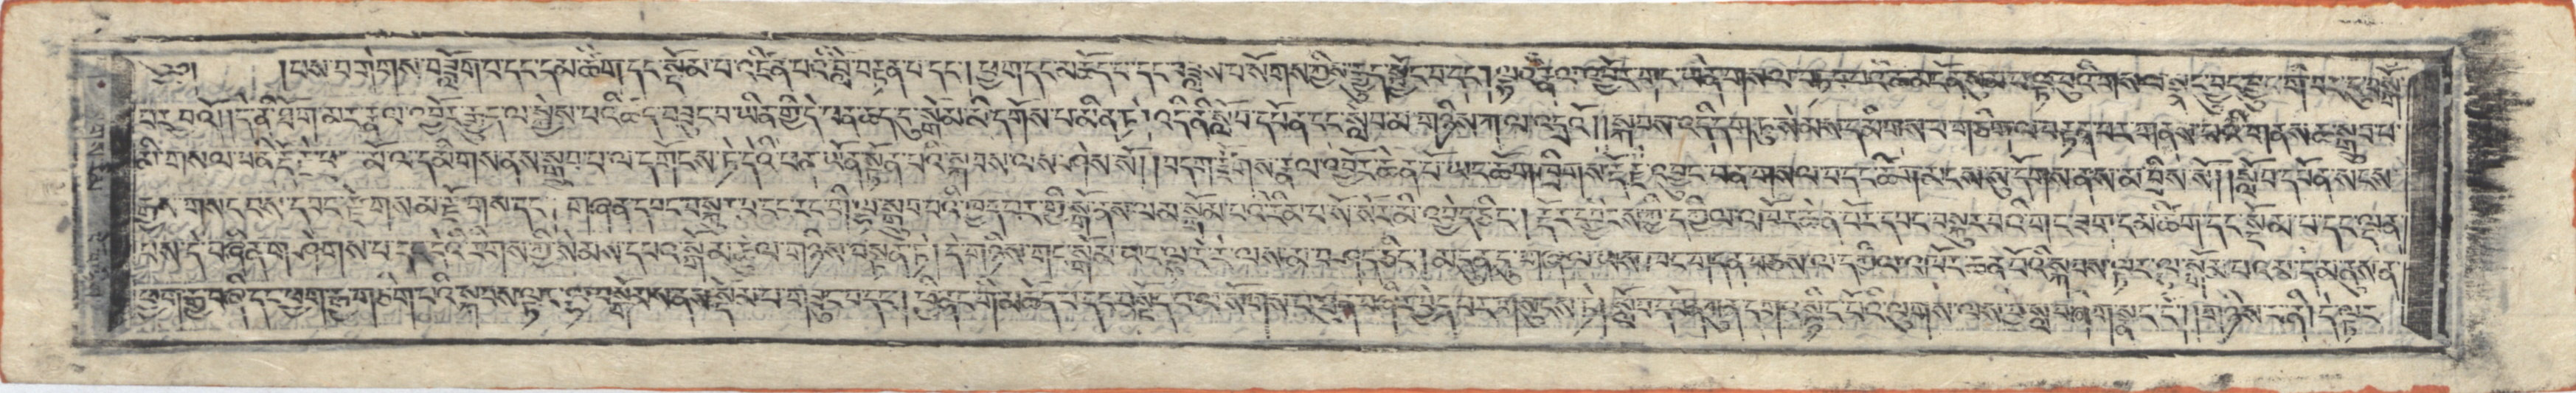༄༅། །པས་བགེགས་བཟློག་པ་དང་དམ་ཚིག་དང་སྡོམ་པ་འཛིན་པའི་བློ་བརྟན་པ་དང་། ཕྱག་དང་མཆོད་པ་དང་བཟླས་པ་སོགས་ཀྱིས་རྒྱུད་སྦྱོང་བ་དང་། ལྷའི་རྣལ་འབྱོར་གང་ཡིན་གསལ་བཏབ་པའི་ཆ་མངོན་སུམ་པ་ལྟ་བུའི་གསལ་སྣང་བྱུང་བྱུང་གི་བར་དུ་བསྒོམ་
པར་བྱའོ། །དེ་ནི་ཐོག་མར་རྣལ་འབྱོར་རྒྱུད་ལ་སྐྱེས་པའི་ཚད་བཟུང་བ་ཡིན་གྱི་དེ་ཕན་ཆད་དུ་སྒོམ་མི་དགོས་པ་མིན་ཏེ། འདི་ནི་སློབ་དཔོན་དང་སློབ་མ་གཉིས་ཀ་ལ་འདྲའོ། །སྐབས་འདི་དག་ཏུ་སེམས་དམིགས་པ་གཅིག་ལ་བརྟན་པར་གནས་པའི་གནས་ཆ་སྒྲུབ་པ་
མི་གསལ་པ་ནི་རྡོ་རྗེ་ཕྲ་མོ་ལ་དམིགས་ནས་སྒྲུབ་པ་ལ་དགོངས་ཏེ་དེའི་ཕན་ཡོན་སྟོན་པའི་སྐབས་ལས་ཤེས་སོ། །བདག་རྫོགས་རྣལ་འབྱོར་ཆེན་པོ་ཡང་ཆོག་ཁྲིགས་རྡོ་རྗེ་འབྱུང་བ་ན་གསལ་བ་དང་ཚིག་མངས་སུ་དོགས་ནས་མ་བྲིས་སོ། །སློབ་དཔོན་སངས་
རྒྱས་གསང་བས་དབང་རྫོགས་མ་རྫོགས་དང་། གཞན་དབང་བསྐུར་བ་དང་རང་གི་ལྷ་སྒྲུབ་པའི་ཁྱད་པར་གྱི་སྒོ་ནས་ལམ་སྒོམ་པའི་རིམ་པ་སོ་སོར་མི་འབྱེད་ཅིང་། རྡོར་དབྱིངས་ཀྱི་དཀྱིལ་འཁོར་ཆེན་པོར་དབང་བསྐུར་བའི་གང་ཟག་དམ་ཚིག་དང་སྡོམ་པ་དང་ལྡན་
པས་དེ་བཞིན་གཤེགས་པ་དང་དེའི་རིགས་ཀྱི་སེམས་དཔའ་སྒོམ་ཚུལ་གཉིས་བསྟན་ཏེ། དེ་གཉིས་གང་སྒོམ་ཡང་ལྷ་རེ་རེ་ལས་མ་བཤད་ཅིང་། མདུན་དུ་གཞལ་ཡས་ཁང་གདན་བཅས་ལ་དཀྱིལ་འཁོར་ཆེན་པོའི་སྐབས་ལྟར་ལྷ་སྒོམ་པའམ་དེ་མ་ནུས་ན་
ཕྱག་རྒྱ་བཞི་དང་ཕྱག་རྒྱ་གཅིག་པའི་སྐབས་ལྟར་ལྷ་བསྒོམས་ནས་སྡོམ་པ་གཟུང་བ་དང་། ཕྱི་ནང་གི་མཆོད་པ་དང་བསྟོད་པ་ལ་སོགས་པ་ཐུན་བཞིར་བྱེད་པར་གསུངས་ཏེ། སློབ་དཔོན་ཀུན་དགའ་སྙིང་པོའི་ལུགས་ལས་བྱ་སླ་བ་ཞིག་སྣང་ངོ། །གཉིས་པ་ནི། དེ་ལྟར་